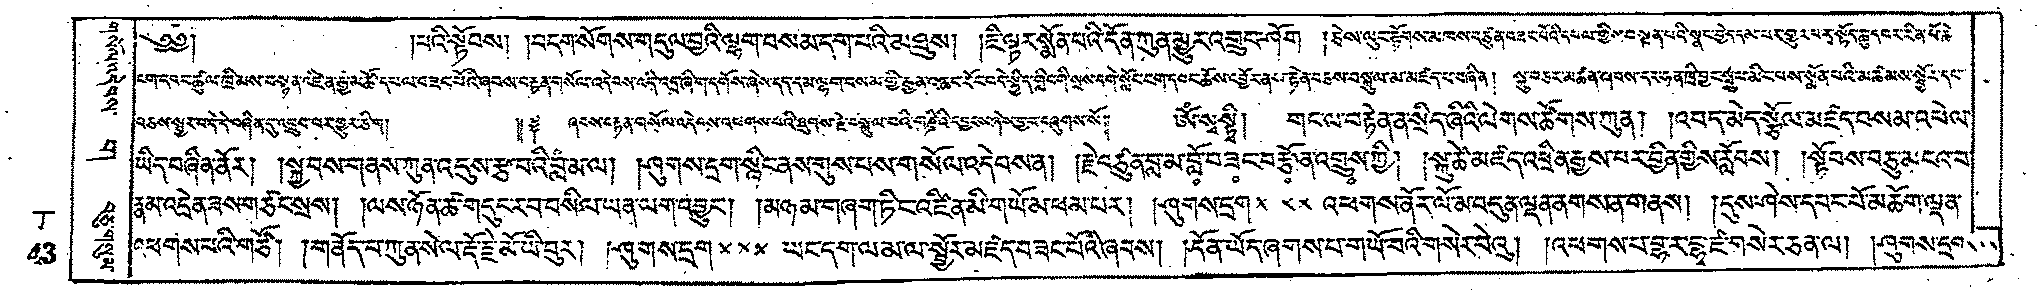༄༅། །པའི་སྟོབས། །བདག་སོགས་གདུལ་བྱའི་ལྷག་བསམ་དག་པའི་མཐུས། །ཇི་ལྟར་སྨོན་པའི་དོན་ཀུན་མྱུར་འགྲུབ་ཤོག །ཅེས་ལུང་རྟོགས་མཁས་བཙུན་བཟང་པོའི་དཔལ་གྱིས་བསྟན་པའི་སྣང་བྱེད་དམ་པར་གྱུར་པ་རྭ་སྟོད་ཆུ་དབར་རིན་པོ་ཆེ་
ངག་དབང་ཚུལ་ཁྲིམས་བསྟན་འཛིན་རྒྱ་མཚོའི་དཔལ་བཟང་པོའི་ཞབས་བརྟན་གསོལ་འདེབས་འདི་འདྲ་ཞིག་དགོས་ཞེས་དད་དམ་ལྷག་བསམ་གྱི་རྒྱན་འཆང་རོང་བདེ་སྐྱིད་གླིང་གི་སྲས་དགེ་སློང་ངག་དབང་ཆོས་འབྱོར་ནས་བརྟེན་བཅས་བསྐུལ་མ་མཛད་པ་བཞིན། སྐུ་བཅར་མཚན་ཞབས་དར་ཁན་ཁྲི་བྱང་སྤྲུལ་མིང་པས་སྨོན་པའི་མཚམས་སྦྱོར་དང་་་
བཅས་སྦྱར་བ་དེ་དེ་བཞིན་དུ་འགྲུབ་པར་གྱུར་ཅིག། །། འ་ཞབས་བསྟན་གསོལ་འདེབས་འཕགས་པའི་ཐུགས་རྗེ་བསྐུལ་བའི་གཎྜིའི་དབྱངས་ཞེས་བྱ་བ་བཞུགས་སོ།། ཨོཾ་སྭསྟྭི། གང་ལ་བརྟེན་ན་སྲིད་ཞིའི་ལེགས་ཚོགས་ཀུན། །འབད་མེད་སྩོལ་མཛད་བསམ་འཕེལ་
ཡིད་བཞིན་ནོར། །སྐྱབས་གནས་ཀུན་འདུས་རྩ་བའི་བླ་མ་ལ། །ཤུགས་དྲག་སྙིང་ནས་གུས་པས་གསོལ་འདེབས་ན། །རྗེ་བཙུན་བླ་མ་བློ྾་བཟང྾་བརྩོན྾་འགྲུས྾་ཀྱི། །སྐུ་ཚེ་མཛད་འཕྲིན་རྒྱས་པར་བྱིན་གྱིས་རློབས། །སྟོབས་བཅུ་མངའ་བ་
རྣམ་འདྲེན་ཟས་གཙང་སྲས། །ལས་ཉོན་ཚ་གདུང་རབ་བསིལ་ཡན་ལག་འབྱུང་། །མཉམ་གཞག་ཏིང་འཛིན་མི་གཡོ་མ་ཕམ་པར། །ཤུགས་དྲག་྾་྾་྾་འཕགས་ནོར་ལོ་མ་བདུན་ལྡན་ནགས་ན་གནས། །དུས་ཤེས་དབང་པོ་མཆོག་ལྡན་
འཕགས་པའི་གཙོ། །གནོད་པ་ཀུན་སེལ་རྡོ་རྗེ་མོ་ཡི་བུར། །ཤུགས་དྲག་྾་྾་྾་ཡང་དག་ལམ་ལ་སྦྱོར་མཛད་བཟང་པོའི་ཞབས། །དོན་ཡོད་ཞགས་པ་གཡོ་བའི་གསེར་བེའུ། །འཕགས་པ་བྷ་ར་དྷྭ་ཛ་གསེར་ཅན་ལ། །ཤུགས་དྲག་